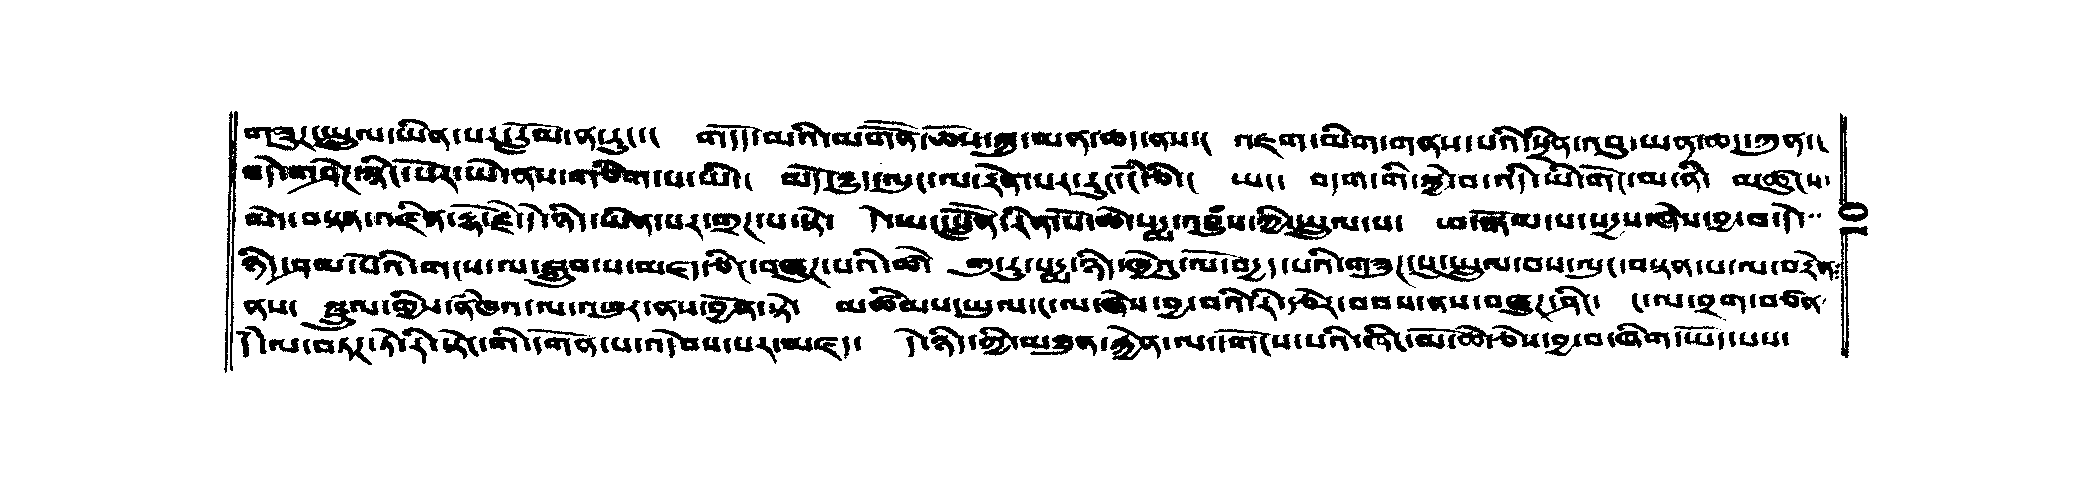གཟུགས་སྤྲུལ་ཡིན་པར་རློམ་ན་རུང་། །གདོད་མའི་མགོན་པོ་ཆོས་སྐུ་མན་ཆད་ནས། །འཇག་མིག་གནས་པའི་སྲིན་འབུ་ཡོན་ཆད་ཀུན། །
བདེ་གཤེགས་སྙིང་པོར་ཡེ་ནས་གཅིག་པ་ཡིན། །མདོ་རྒྱུད་ལུང་ལ་རྟེན་པར་རུང་ངམ་ཅི། ཡང་། བདག་གི་སྐྱེ་བ་འདི་ཡི་གོང་མ་ནི་མཚུངས་
མེད་བསྟན་འཛིན་རྡོ་རྗེ་དེ་ཉིད་ཡིན་པར་གྲགས་པ་སྟེ། དེ་ཡང་སློབ་དཔོན་རིན་པོ་ཆེ་པདྨ་འབྱུང་གནས་ཀྱི་སྤྲུལ་པ། ཕ་སྒོམ་པ་སངས་རྒྱས་ཞེས་བྱ་བ་དེ་
ཉིད་ཤམ་པོའི་གངས་ལ་སྒྲུབ་པ་མཛད་ཅིང་བཞུགས་པའི་ཚེ། གུ་རུ་པདྨ་ཉིད་ཁྱེའུ་ལོ་བརྒྱད་པའི་གཟུགས་སུ་སྤྲུལ་བས་ལུང་བསྟན་པ་ལ་བརྟེན་
ནས། རྫུ་འཕྲུལ་གྱིས་ནམ་མཁའ་ལ་འཕུར་ནས་བྱོན་སྟེ། མཆིམས་ཡུལ་ང་ལ་ཞེས་བྱ་བའི་རི་རྩེར་བབས་ནས་བཞུགས་ཤིང་། ང་ལ་བྲག་བཙན་
དམ་ལ་བཏགས་ཏེ་རི་སྟེང་གི་དགོན་པ་འདེབས་པར་མཛད། དེ་ཉིད་ཀྱི་མཐུན་རྐྱེན་ལ་དགོངས་པའི་ཞིང་མོ་ཆེ་ཞེས་བྱ་བ་ཞིག་ཡོད་པས་